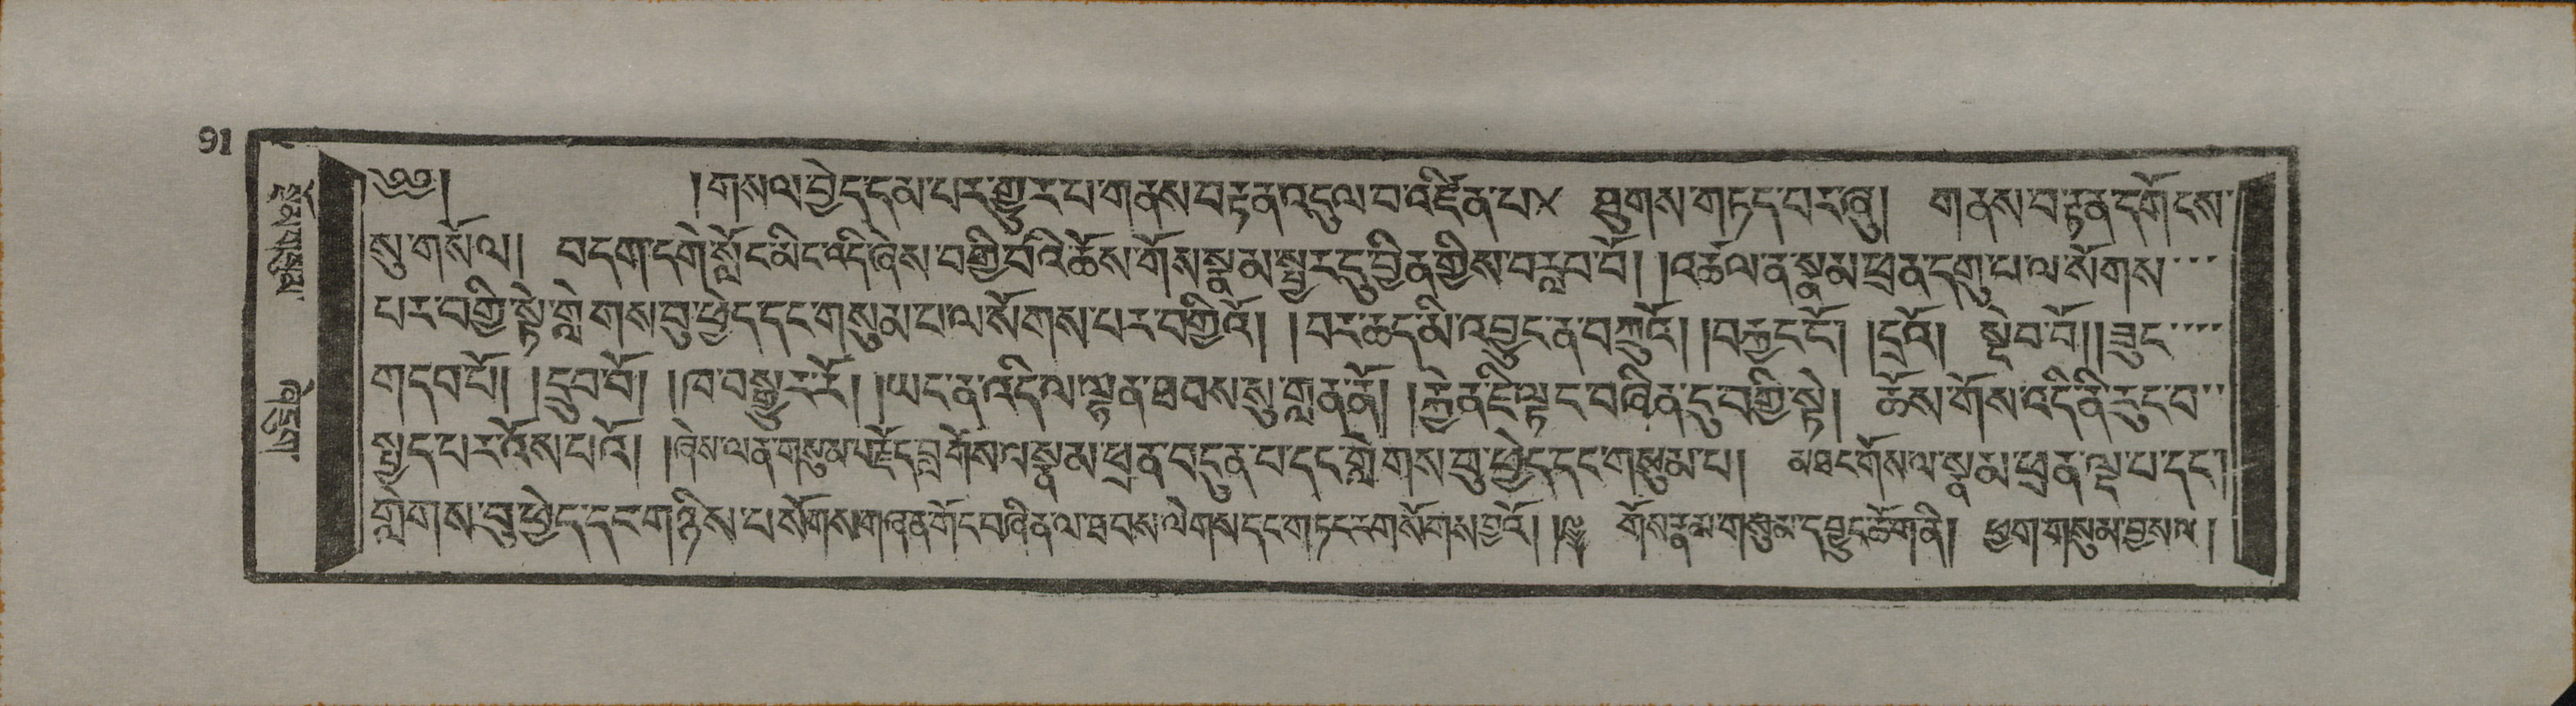༄༅། །གསལ་བྱེད་དམ་པར་གྱུར་པ་གནས་བརྟན་འདུལ་བ་འཛིན་པ་྾་ཐུགས་གཏད་པར་ཞུ། གནས་པ་རྟན་དགོངས་
སུ་གསོལ། བདག་དགེ་སློང་མིང་འདི་ཞེས་བགྱི་བའི་ཆོས་གོས་སྣམ་སྦྱར་དུ་བྱིན་གྱིས་བརླབ་བོ། །འཚལ་ན་སྣམ་ཕྲན་དགུ་པ་ལ་སོགས་
པར་བགྱི་སྟེ་གླེགས་བུ་ཕྱེད་དང་གསུམ་པ་ལ་སོགས་པར་བགྱིའོ། །བར་ཆད་མི་འབྱུང་ན་བཀྲུའོ། །བརྐྱང་ངོ། །དྲའོ། །སྡེབ་བོ། །ཟུང་
གདབ་པོ། །དྲུབ་བོ། །ཁ་བསྒྱུར་རོ། །ཡང་ན་འདི་ལ་ལྷན་ཐབས་སུ་གླན་ནོ། །རྐྱེན་ཇི་ལྟ་བ་བཞིན་དུ་བགྱི་སྟེ། ཆོས་གོས་འདི་ནི་རུང་བ་
སྤྱད་པར་འོས་པའོ། །ཞེས་ལན་གསུམ་བརྗོད་བླ་གོས་ལ་སྣམ་ཕྲན་བདུན་པ་དང་གླེགས་བུ་ཕྱེད་དང་གསུམ་པ། མཐོང་གོས་ལ་སྣམ་ཕྲན་ལྔ་པ་དང་།
གླེགས་བུ་ཕྱེད་དང་གཉིས་པ་སོགས་གཞན་གོང་བཞིན་ལ་ཐབས་ལེགས་དང་གཏང་རག་སོགས་བྱའོ། ། ༈ གོས་རྣམ་གསུམ་དབྱུང་ཆོག་ནི། ཕྱག་གསུམ་བྱས་ལ།